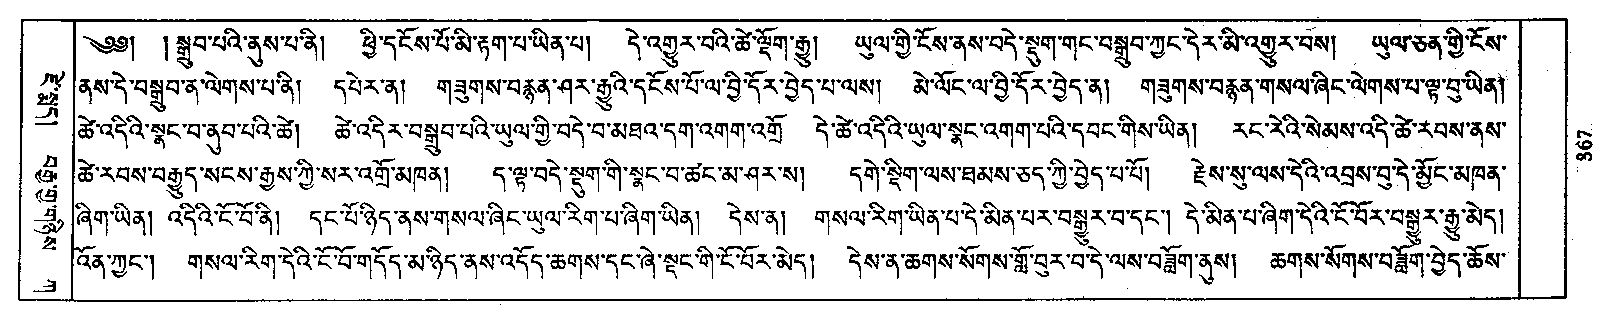༄༅། །སྒྲུབ་པའི་ནུས་པ་ནི། ཕྱི་དངོས་པོ་མི་རྟག་པ་ཡིན་པ། དེ་འགྱུར་བའི་ཚེ་ལྡོག་རྒྱུ། ཡུལ་གྱི་ངོས་ནས་བདེ་སྡུག་གང་བསྒྲུབ་ཀྱང་དེར་མི་འགྱུར་བས། ཡུལ་ཅན་གྱི་ངོས་
ནས་དེ་བསྒྲུབ་ན་ལེགས་པ་ནི། དཔེར་ན། གཟུགས་བརྙན་ཤར་རྒྱུའི་དངོས་པོ་ལ་བྱི་དོར་བྱེད་པ་ལས། མེ་ལོང་ལ་བྱི་དོར་བྱེད་ན། གཟུགས་བརྙན་གསལ་ཞིང་ལེགས་པ་ལྟ་བུ་ཡིན།
ཚེ་འདིའི་སྣང་བ་ནུབ་པའི་ཚེ། ཚེ་འདིར་བསྒྲུབ་པའི་ཡུལ་གྱི་བདེ་བ་མཐའ་དག་འགག་འགྲོ་དེ་ཚེ་འདིའི་ཡུལ་སྣང་འགག་པའི་དབང་གིས་ཡིན། རང་རེའི་སེམས་འདི་ཚེ་རབས་ནས་
ཚེ་རབས་བརྒྱུད་སངས་རྒྱས་ཀྱི་སར་འགྲོ་མཁན། ད་ལྟ་བདེ་སྡུག་གི་སྣང་བ་ཚང་མ་ཤར་ས། དགེ་སྡིག་ལས་ཐམས་ཅད་ཀྱི་བྱེད་པ་པོ། རྗེས་སུ་ལས་དེའི་འབྲས་བུ་དེ་མྱོང་མཁན་
ཞིག་ཡིན། འདིའི་ངོ་བོ་ནི། དང་པོ་ཉིད་ནས་གསལ་ཞིང་ཡུལ་རིག་པ་ཞིག་ཡིན། དེས་ན། གསལ་རིག་ཡིན་པ་དེ་མིན་པར་བསྒྱུར་བ་དང་། དེ་མིན་པ་ཞིག་དེའི་ངོ་བོར་བསྒྱུར་རྒྱུ་མེད།
འོན་ཀྱང་། གསལ་རིག་དེའི་ངོ་བོ་གདོད་མ་ཉིད་ནས་འདོད་ཆགས་དང་ཞེ་སྡང་གི་ངོ་བོར་མེད། དེས་ན་ཆགས་སོགས་གློ་བུར་བ་དེ་ལས་བཟློག་ནུས། ཆགས་སོགས་བཟློག་བྱེད་ཆོས་